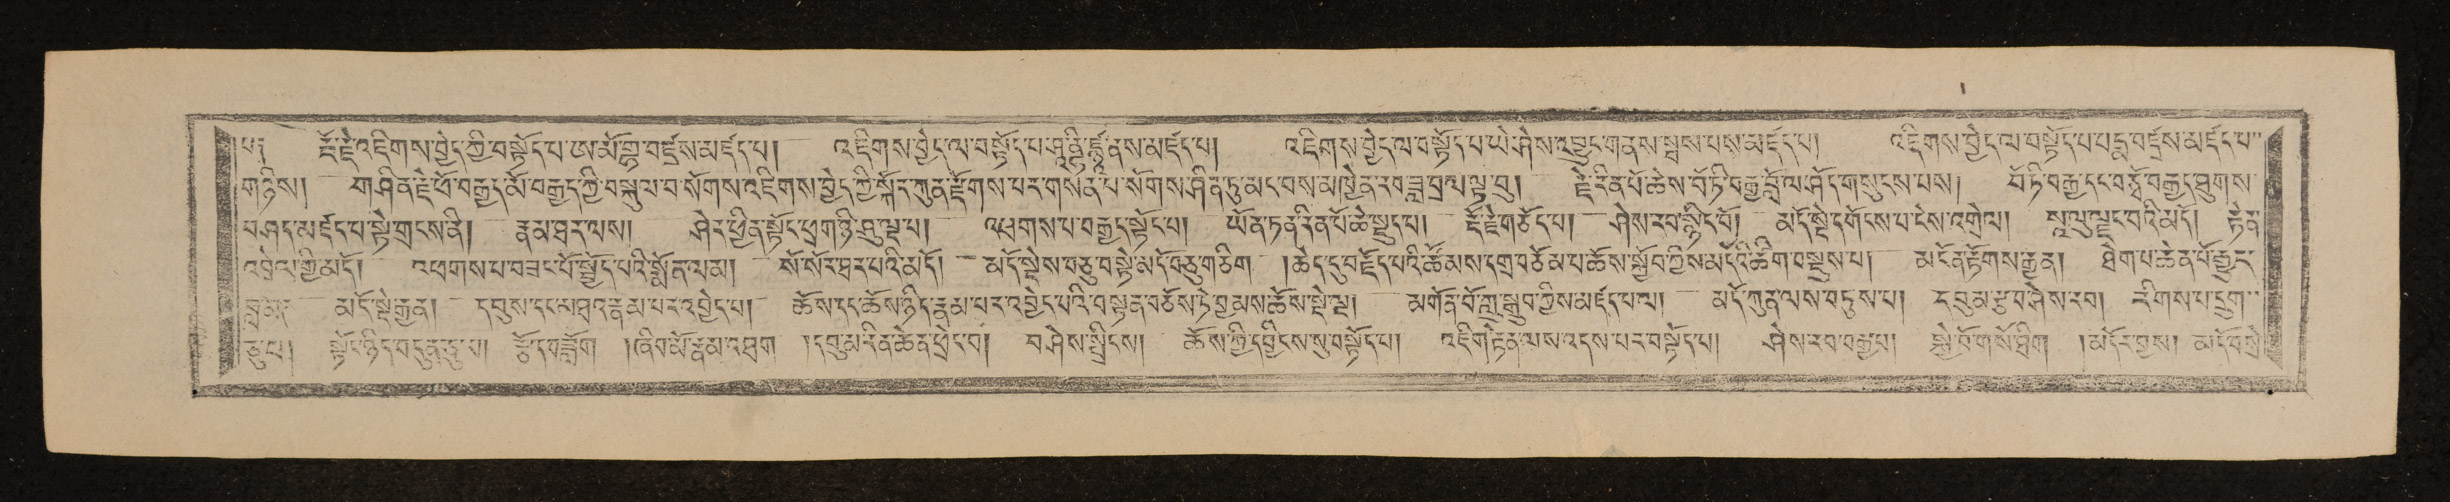པ༑ རྡོ་རྗེ་འཇིགས་བྱེད་ཀྱི་བསྟོད་པ་ཨ་མོ་གྷ་བཛྲས་མཛད་པ། འཇིགས་བྱེད་ལ་བསྟོད་པ་ཤཱནྟི་ཛྙཱ་ནས་མཛད་པ། འཇིགས་བྱེད་ལ་བསྟོད་བ་ཡེ་ཤེས་འབྱུང་གནས་སྦས་བས་མཛད་པ། འཇིགས་བྱེད་ལ་བསྟོད་པ་པདམ་བཛྲས་མཛད་པ་
གཉིས། གཤིན་རྗེ་ཕོ་བརྒྱད་མོ་བརྒྱད་ཀྱི་བསྐུལ་བ་སོགས་འཇིགས་བྱེད་ཀྱི་སྐོར་ཀུན་རྫོགས་པར་གསན་པ་སོགས་ཤིན་ཏུ་མང་བས་མཁྱེན་རབ་ཟླ་བྲལ་ལྟ་བུ། རྗེ་རིན་པོ་ཆེས་པོ་ཏི་བརྒྱ་བློ་ལ་ཤོད་གསུངས་པས། པོ་ཏི་བརྒྱ་དང་བཅྭོ་བརྒྱད་ཐུགས་
བཤད་མཛད་པ་སྟེ་གྲངས་ནི། རྣམ་ཐར་ལས། ཤེར་ཕྱིན་སྟོང་ཕྲག་ཉི་ཤུ་ལྔ་བ། འཕགས་པ་བརྒྱད་སྟོང་བ། ཡོན་ཏན་རིན་པོ་ཆེ་སྡུད་པ། རྡོ་རྗེ་གཅོད་པ། ཤེས་རབ་སྙིང་པོ། མདོ་སྡེ་དགོངས་པ་དེས་འགྲེལ། སཱ་ལུ་ལྗང་པའི་མདོ། རྟེན་
འབྲེལ་གྱི་མདོ། འཕགས་པ་བཟང་པོ་སྤྱོད་པའི་སྨོན་ལམ། སོ་སོར་ཐར་པའི་མདོ། མདོ་སྡེ་ས་བཅུ་པ་སྟེ་མདོ་བཅུ་གཅིག །ཆེད་དུ་བརྗོད་པའི་ཚོམས་དགྲ་བཅོམ་པ་ཆོས་སྐྱོབ་ཀྱིས་མདོའི་ཚིག་བསྡུས་པ། མངོན་རྟོགས་རྒྱན། ཐེག་པ་ཆེན་པོ་རྒྱུད་
བླ་མ༑ མདོ་སྡེ་རྒྱན། དབུས་དང་མཐའ་རྣམ་པར་འབྱེད་བ། ཆོས་དང་ཆོས་ཉིད་རྣམ་པར་འབྱེད་པའི་བསྟན་བཅོས་ཏེ་བྱམས་ཆོས་སྡེ་ལྔ། མགོན་པོ་ཀླུ་སྒྲུབ་ཀྱིས་མཛད་པ་ལ། མདོ་ཀུན་ལས་བཏུས་པ། དབུ་མ་རྩ་བ་ཤེས་རབ། རིགས་པ་དྲུག་
ཅུ་བ༑ སྟོང་ཉིད་བདུན་ཅུ་པ། རྩོད་བཟློག །ཞིབ་མོ་རྣམ་འཐག །དབུ་མ་རིན་ཆེན་ཕྲེང་བ། བཤེས་སྤྲིངས། ཆོས་ཀྱི་དབྱིངས་སུ་བསྟོད་པ། འཇིག་རྟེན་ལས་འདས་པར་བསྟོད་པ། ཤེས་རབ་བརྒྱ་བ། སྐྱེ་བོ་གསོ་ཐིག །མདོར་བྱས། མདོ་བསྲེ་